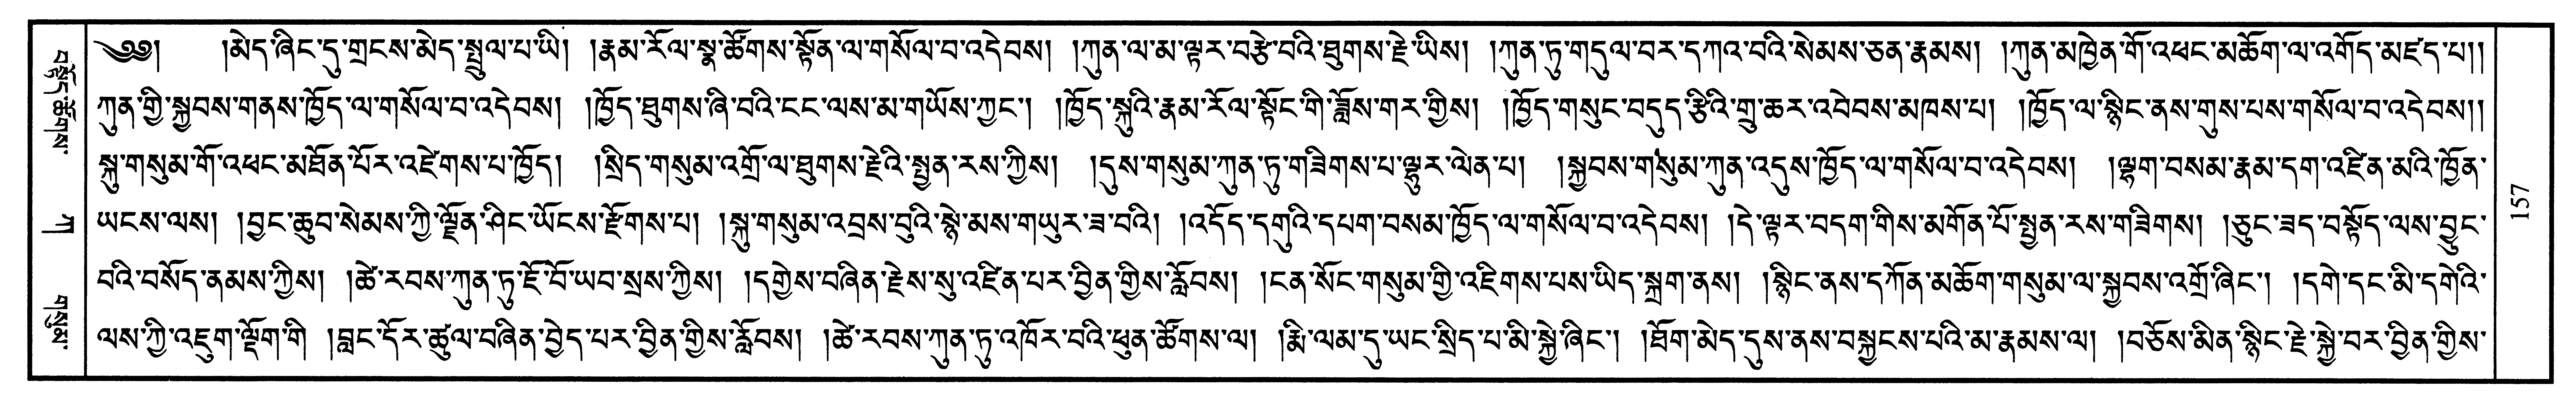༄༅། །མེད་ཞིང་དུ་གྲངས་མེད་སྤྲུལ་པ་ཡི། །རྣམ་རོལ་སྣ་ཚོགས་སྟོན་ལ་གསོལ་བ་འདེབས། །ཀུན་ལ་མ་ལྟར་བརྩེ་བའི་ཐུགས་རྗེ་ཡིས། །ཀུན་ཏུ་གདུལ་བར་དཀའ་བའི་སེམས་ཅན་རྣམས། །ཀུན་མཁྱེན་གོ་འཕང་མཆོག་ལ་འགོད་མཛད་པ།།
ཀུན་གྱི་སྐྱབས་གནས་ཁྱོད་ལ་གསོལ་བ་འདེབས། །ཁྱོད་ཐུགས་ཞི་བའི་ངང་ལས་མ་གཡོས་ཀྱང་། །ཁྱོད་སྐུའི་རྣམ་རོལ་སྟོང་གི་ཟློས་གར་གྱིས། །ཁྱོད་གསུང་བདུད་རྩིའི་གྲུ་ཆར་འབེབས་མཁས་པ། །ཁྱོད་ལ་སྙིང་ནས་གུས་པས་གསོལ་བ་འདེབས།།
སྐུ་གསུམ་གོ་འཕང་མཐོན་པོར་འཛེགས་པ་ཁྱོད། །སྲིད་གསུམ་འགྲོ་ལ་ཐུགས་རྗེའི་སྤྱན་རས་ཀྱིས། །དུས་གསུམ་ཀུན་ཏུ་གཟིགས་པ་ལྷུར་ལེན་པ། །སྐྱབས་གསུམ་ཀུན་འདུས་ཁྱོད་ལ་གསོལ་བ་འདེབས། །ལྷག་བསམ་རྣམ་དག་འཛིན་མའི་ཁྱོན་
ཡངས་ལས། །བྱང་ཆུབ་སེམས་ཀྱི་ལྗོན་ཤིང་ཡོངས་རྫོགས་པ། །སྐུ་གསུམ་འབྲས་བུའི་སྙེ་མས་གཡུར་ཟ་བའི། །འདོད་དགུའི་དཔག་བསམ་ཁྱོད་ལ་གསོལ་བ་འདེབས། །དེ་ལྟར་བདག་གིས་མགོན་པོ་སྤྱན་རས་གཟིགས། །ཅུང་ཟད་བསྟོད་ལས་བྱུང་
བའི་བསོད་ནམས་ཀྱིས། །ཚེ་རབས་ཀུན་ཏུ་ཇོ་བོ་ཡབ་སྲས་ཀྱིས། །དགྱེས་བཞིན་རྗེས་སུ་འཛིན་པར་བྱིན་གྱིས་རློབས། །ངན་སོང་གསུམ་གྱི་འཇིགས་པས་ཡིད་སྐྲག་ནས། །སྙིང་ནས་དཀོན་མཆོག་གསུམ་ལ་སྐྱབས་འགྲོ་ཞིང་། །དགེ་དང་མི་དགེའི་
ལས་ཀྱི་འཇུག་ལྡོག་གི །བླང་དོར་ཚུལ་བཞིན་བྱེད་པར་བྱིན་གྱིས་རློབས། །ཚེ་རབས་ཀུན་ཏུ་འཁོར་བའི་ཕུན་ཚོགས་ལ། །རྨི་ལམ་དུ་ཡང་སྲིད་པ་མི་སྐྱེ་ཞིང་། །ཐོག་མེད་དུས་ནས་བསྐྱངས་པའི་མ་རྣམས་ལ། །བཅོས་མིན་སྙིང་རྗེ་སྐྱེ་བར་བྱིན་གྱིས་